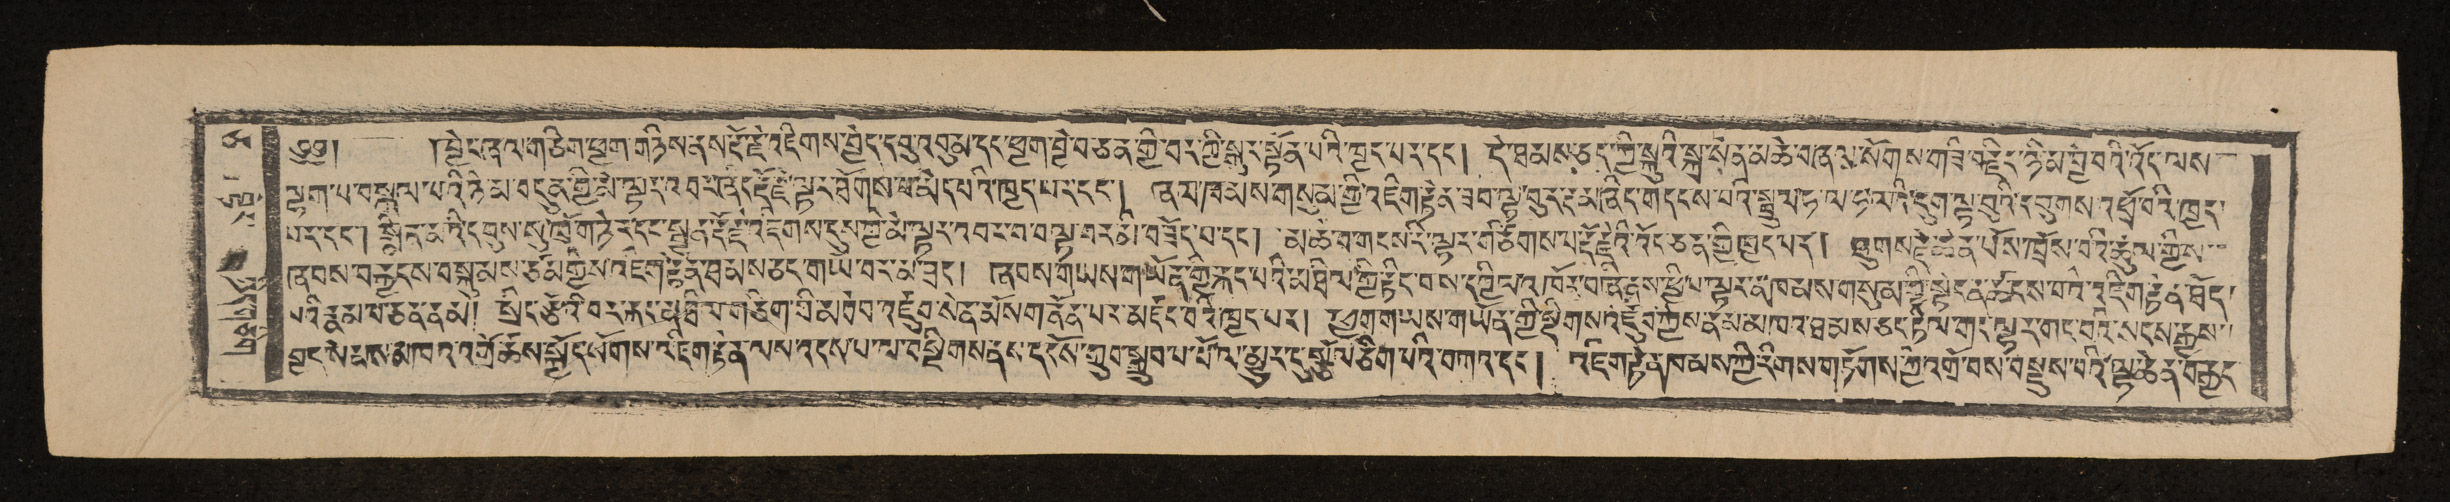༄༅། །བྱེད་ཞལ་གཅིག་ཕྱག་གཉིས་ནས་རྡོ་རྗེ་འཇིགས་བྱེད་དབུ་འབུམ་དང་ཕྱག་བྱེ་བ་ཅན་གྱི་བར་གྱི་སྐུར་སྟོན་པའི་ཁྱད་པར་དང་། དེ་ཐམས་ཅད་ཀྱི་སྐུའི་སྐྲ་སེན་མཆེ་བ་ཞལ་སོགས་གཟི་བརྗིད་ཉི་མ་བྱེ་བའི་འོད་ལས་
ལྷག་པ་བསྐལ་པའི་ཉི་མ་བདུན་གྱི་མེ་ལྟར་འབར་ཞིང་རྡོ་རྗེ་ལྟར་ཐོགས་པ་མེད་པའི་ཁྱད་པར་དང་། ཞལ་ཁམས་གསུམ་གྱི་འཇིག་རྟེན་ཟ་བ་ལྟ་བུར་རྔམ་ཞིང་གདངས་པའི་སྤྲུལ་ཧ་ལ་ཧ་ལའི་དུག་ལྟ་བུའི་དབུགས་འཕྲོ་བའི་ཁྱད་
པར་དང་། སྨིན་མའི་དབུས་སུ་ཁྲོ་གཉེར་དང་སྤྱན་རྡོ་རྗེ་འཇིགས་དུས་ཀྱི་མེ་ལྟར་འབར་བ་བལྟ་བར་མི་བཟོད་པ་དང་། མཆེ་བ་གངས་རི་ལྟར་གཙིགས་པ་རྡོ་རྗེའི་འོད་ཅན་གྱི་ཁྱད་པར། ཐུགས་རྗེ་ཆེན་པོས་ཁྲོས་པའི་ཚུལ་གྱིས་
ཞབས་བརྐྱངས་བསྐུམས་ཙམ་གྱིས་འཇིག་རྟེན་ཐམས་ཅད་གཡོ་བར་མ་ཟད། ཞབས་གཡས་གཡོན་གྱི་རྐང་པའི་མཐིལ་གྱི་རྟིང་བས་དཀྱིལ་འཁོར་བཞི་ནས་ཕྱི་པ་ལྟར་ན་ཁམས་གསུམ་གྱི་སྟེང་ན་ཚངས་པའི་འཇིག་རྟེན་ཐོད་
པའི་རྣམ་པ་ཅན་ནམ། སྲིད་རྩེའི་བར་རྐང་མཐིལ་གཅིག་གི་མཐེབ་འཛུབ་སེན་མོས་གནོན་པར་མཛད་པའི་ཁྱད་པར། ཕྱག་གཡས་གཡོན་གྱི་སྡིགས་འཛུབ་ཀྱིས་ནམ་མཁའ་ཐམས་ཅད་ཏིལ་གང་ལྟར་གང་བའི་སངས་རྒྱས་
བྱང་སེམས་མཁའ་འགྲོ་ཆོས་སྐྱོང་སོགས་འཇིག་རྟེན་ལས་འདས་པ་ལ་བསྡིགས་ནས་དངོས་གྲུབ་སྒྲུབ་པ་པོ་ལ་མྱུར་དུ་སྩོལ་ཅིག་པའི་བཀའ་དང་། འཇིག་རྟེན་ཁམས་ཀྱི་རིགས་གཏོགས་ཀྱི་འགྲོ་བས་བསྡུས་པའི་ལྷ་ཆེན་བརྒྱད་